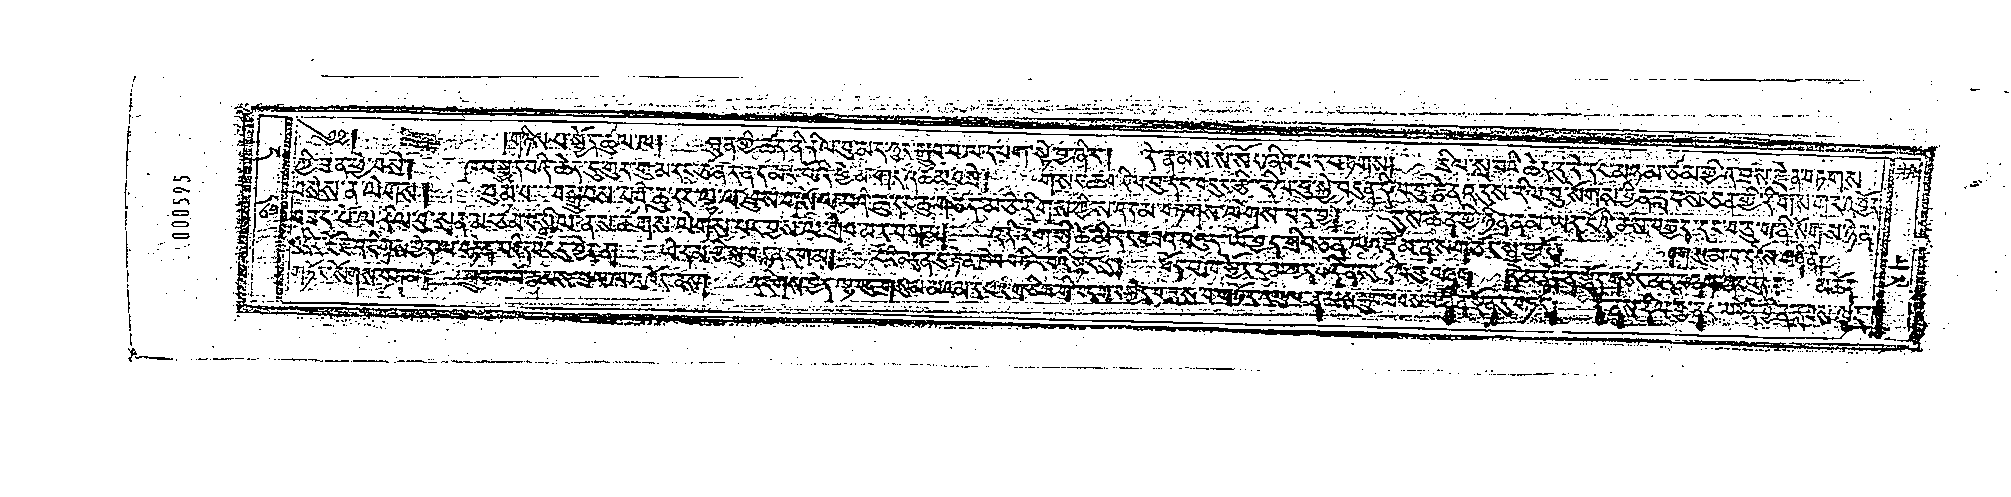༄༅། །གཉིས་པ་སྦྱོར་ཚུལ་ལ། ཐུན་གྱི་ཚད་ནི་རིལ་བུ་མང་ཉུང་སྒྲུབ་པ་ལ་དཔག་སྟེ་བྱ་ཞིང་། དེ་རྣམས་སོ་སོར་ཞིབ་པར་བཏགས། དྲིལ་སླ་བའི་ཆེད་དུ་དེ་དང་མཉམ་ཙམ་གྱི་འབྲས་རྗེན་བཏགས་
ཀྱི་ཟན་ཕྱེ་བསྲེ། ཁ་བསྒྱུར་བའི་ཆེད་དུ་གུར་རུམ་དང་ཙན་དན་དམར་པོའི་ཕྱེ་མ་གང་འཚམ་བསྲེ། གསང་ཆབ་རིལ་བུ་དང་བདུད་རྩི་རིལ་བུ་སྐྱེ་བདུན་རིལ་བུ་རྟེན་འདུས་རིལ་བུ་སོགས་བྱིན་རླབས་ཅན་གྱི་རིགས་གང་འབྱོར་
བསྲེས་ན་ལེགས། བུམ་པ་བསྒྲུབས་པའི་ཆུ་དང་ལྷ་ལ་ཁྲུས་གསོལ་བའི་ཆུ་དང་ཆུ་གཙང་མ་ཅི་རིགས་ཀྱིས་འདམ་བཏགས་ལེགས་པར་བྱ། དུས་ཆེན་གྱི་ཉིན་ནམ་ཡར་ངོའི་ཚེས་བརྒྱད་དང་བཅུ་བཞི་སོགས་ཉེན་
བཟང་པོ་ལ་རིལ་བུ་སྲན་མ་ཙམ་བསྒྲིལ་ནས་ཚགས་ལེགས་པར་བྱས་ལ་གྲིབ་མར་བསྐམ། འདི་དག་གི་ཚེ་མི་དང་བཟའ་བཏུང་ཡོ་བྱད་གྲིབ་ཅན་ལ་འཇོམ་ནས་གཙང་སྦྲ་བྱའོ། །གསུམ་བ་དངོས་གཞི་ནི།
འདིར་རྡོ་རྗེ་འཇིགས་བྱེད་ལ་བརྟེན་པའི་དབང་དུ་བྱེད་ན། ཡི་དམ་གྱི་སྐུ་བརྙན་དགམ། དེའི་མདུན་དུ་རྟེན་ཁེབ་བཏིང་བའི་སྟེང་དུ། ཐོད་པ་ཁ་སྦྱོར་རམ་ཀྱང་པའི་ནང་དུ་རིལ་བུ་བཞག །དེ་མ་རྙེད་ན་སྣོད་གཙང་མར་བཞག་ཀྱང་རུང་། མཆོད་
གཏོར་སོགས་བཤམ། སྒྲུབ་པ་པོ་རྣམས་གྲལ་ལ་འཁོར་ནས། འཇིགས་བྱེད་ལྷ་བཅུ་གསུམ་མའམ་དཔའ་གཅིག་གི་བདག་བསྐྱེད་བཟླས་པ་གཏོར་འབུལ་རྣམས་སྒྲུབ་ཐབས་བཞིན་སྔོན་དུ་བཏང་། དེ་ནས་རིལ་བུ་ནང་མཆོད་བྱིན་རླབས་ལྟར་